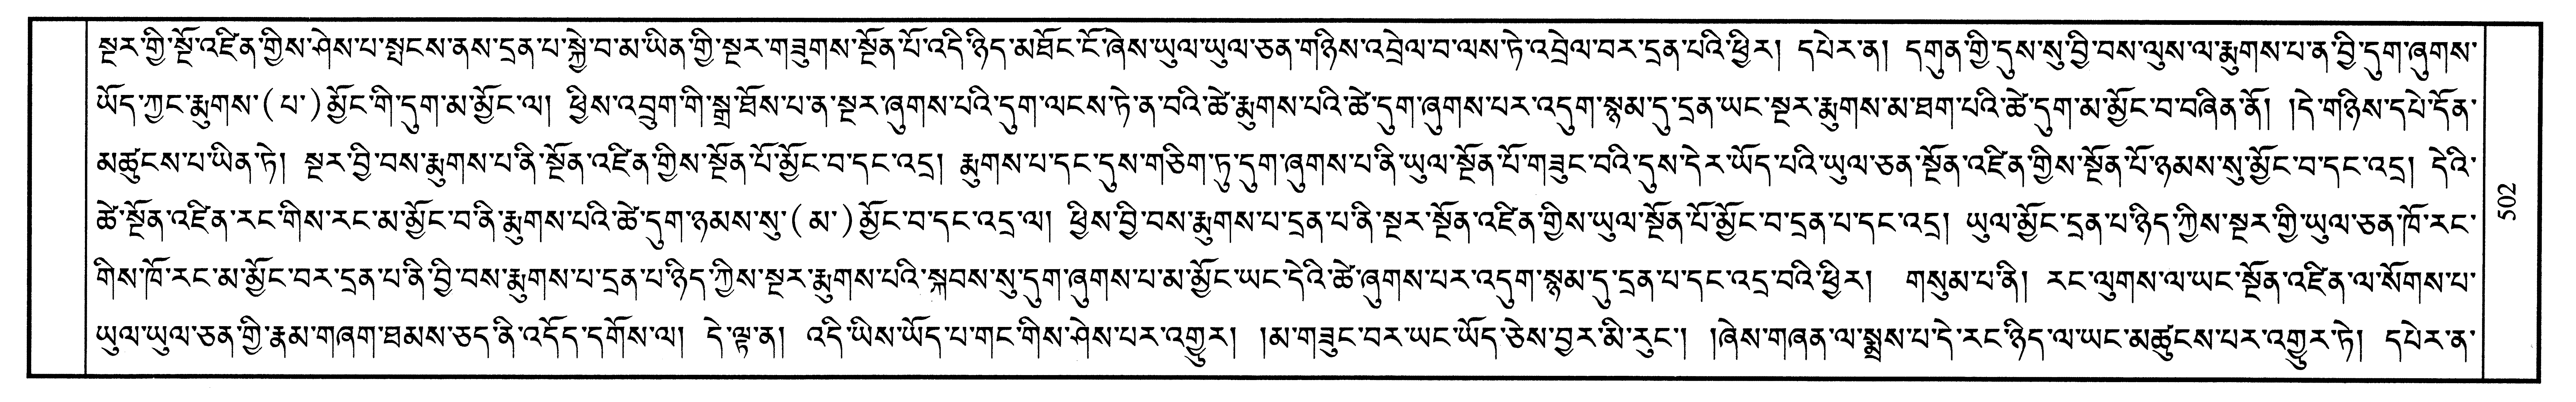སྔར་གྱི་སྔོ་འཛིན་གྱིས་ཤེས་པ་སྤངས་ནས་དྲན་པ་སྐྱེ་བ་མ་ཡིན་གྱི་སྔར་གཟུགས་སྔོན་པོ་འདི་ཉིད་མཐོང་ངོ་ཞེས་ཡུལ་ཡུལ་ཅན་གཉིས་འབྲེལ་བ་ལས་ཏེ་འབྲེལ་བར་དྲན་པའི་ཕྱིར། དཔེར་ན། དགུན་གྱི་དུས་སུ་བྱི་བས་ལུས་ལ་རྨུགས་པ་ན་བྱི་དུག་ཞུགས་
ཡོད་ཀྱང་རྨུགས་པ་མྱོང་གི་དུག་མ་མྱོང་ལ། ཕྱིས་འབྲུག་གི་སྒྲ་ཐོས་པ་ན་སྔར་ཞུགས་པའི་དུག་ལངས་ཏེ་ན་བའི་ཚེ་རྨུགས་པའི་ཚེ་དུག་ཞུགས་པར་འདུག་སྙམ་དུ་དྲན་ཡང་སྔར་རྨུགས་མ་ཐག་པའི་ཚེ་དུག་མ་མྱོང་བ་བཞིན་ནོ། །དེ་གཉིས་དཔེ་དོན་
མཚུངས་པ་ཡིན་ཏེ། སྔར་བྱི་བས་རྨུགས་པ་ནི་སྔོན་འཛིན་གྱིས་སྔོན་པོ་མྱོང་བ་དང་འདྲ། རྨུགས་པ་དང་དུས་གཅིག་ཏུ་དུག་ཞུགས་པ་ནི་ཡུལ་སྔོན་པོ་གཟུང་བའི་དུས་དེར་ཡོད་པའི་ཡུལ་ཅན་སྔོན་འཛིན་གྱིས་སྔོན་པོ་ཉམས་སུ་མྱོང་བ་དང་འདྲ། དེའི་
ཚེ་སྔོན་འཛིན་རང་གིས་རང་མ་མྱོང་བ་ནི་རྨུགས་པའི་ཚེ་དུག་ཉམས་སུ་མ་མྱོང་བ་དང་འདྲ་ལ། ཕྱིས་བྱི་བས་རྨུགས་པ་དྲན་པ་ནི་སྔར་སྔོན་འཛིན་གྱིས་ཡུལ་སྔོན་པོ་མྱོང་བ་དྲན་པ་དང་འདྲ། ཡུལ་མྱོང་དྲན་པ་ཉིད་ཀྱིས་སྔར་གྱི་ཡུལ་ཅན་ཁོ་རང་
གིས་ཁོ་རང་མ་མྱོང་བར་དྲན་པ་ནི་བྱི་བས་རྨུགས་པ་དྲན་པ་ཉིད་ཀྱིས་སྔར་རྨུགས་པའི་སྐབས་སུ་དུག་ཞུགས་པ་མ་མྱོང་ཡང་དེའི་ཚེ་ཞུགས་པར་འདུག་སྙམ་དུ་དྲན་པ་དང་འདྲ་བའི་ཕྱིར། གསུམ་པ་ནི། རང་ལུགས་ལ་ཡང་སྔོན་འཛིན་ལ་སོགས་པ་
ཡུལ་ཡུལ་ཅན་གྱི་རྣམ་གཞག་ཐམས་ཅད་ནི་འདོད་དགོས་ལ། དེ་ལྟ་ན། འདི་ཡིས་ཡོད་པ་གང་གིས་ཤེས་པར་འགྱུར། །མ་གཟུང་བར་ཡང་ཡོད་ཅེས་བྱར་མི་རུང་། །ཞེས་གཞན་ལ་སྨྲས་པ་དེ་རང་ཉིད་ལ་ཡང་མཚུངས་པར་འགྱུར་ཏེ། དཔེར་ན་